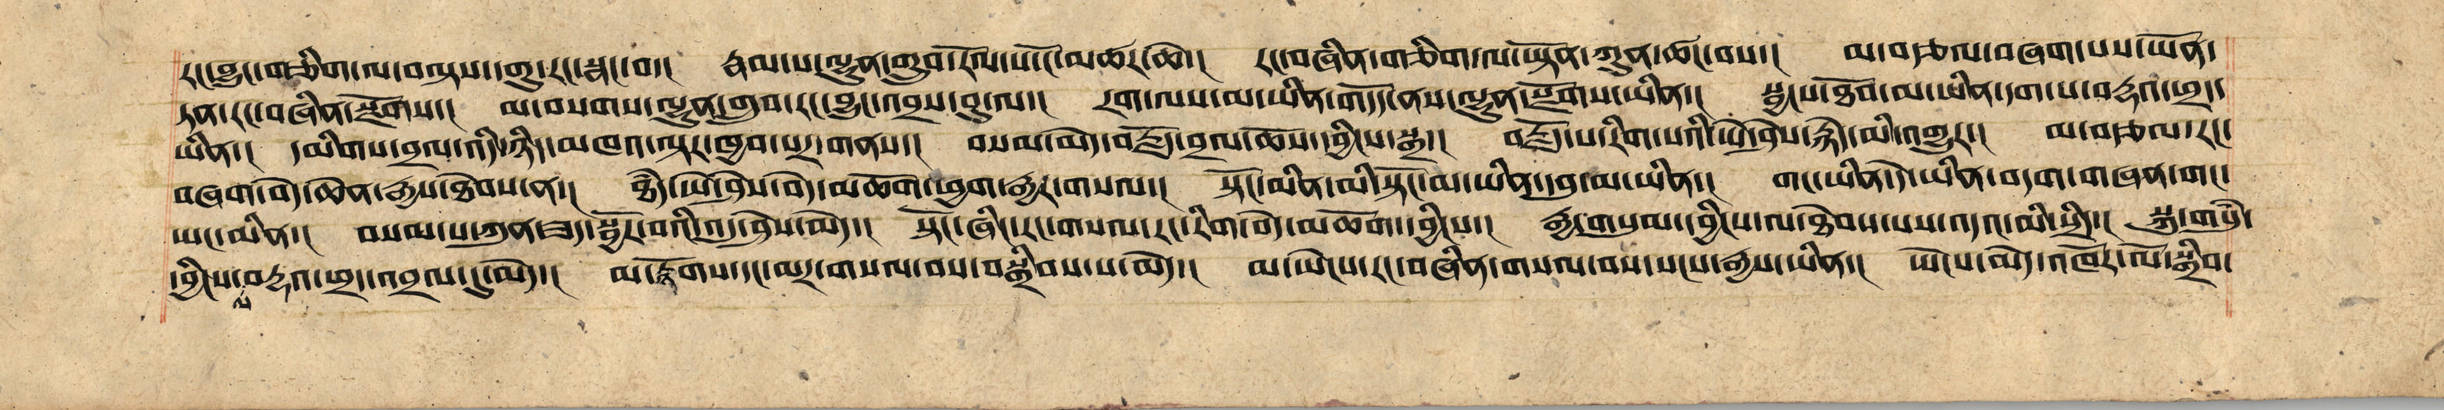རང་བྱུང་གཅིག་ལ་བལྟས་དགུ་རང་སྣང་བ་། རྣམ་པ་ལྷུན་གྲུབ་རོལ་པ་ངོ་མཚར་ཆེ་། རང་བཞིན་གཅིག་ལ་ཡྟོན་ཀུན་ཚང་བས་། མ་བརྩལ་བཞག་པས་ཡོན་
ཏན་རང་བཞིན་སྫོགས་། མ་བསགས་ལྷུན་གྲུབ་རང་བྱུང་འབྲས་བུ་ལ་། དྲག་ལས་མ་ཡིན་གདོད་ནས་ལྷུན་སྫོགས་ཡིན་། སྦྱངས་ཐོབ་མ་ཡིན་དག་པ་བརྡའ་ཕྲད་
ཡིན་། དམིགས་བྲལ་འདི་ཉིད་མཁའ་ལྟར་ཁྱབ་པར་གནས་། བསམ་མེད་བརྗོད་བྲལ་ཆོས་དབྱིངས་སྒྲ་། བརྗོད་པ་རིག་པའི་ཡེ་ཤེས་རྙེད་མི་འགྱུར་། མ་བརྩལ་རང་
བཞག་བདེ་ཆེན་རྒྱས་ཐེབས་ན་། ཐཾད་ཡེ་ཤེས་བདེ་མཆོག་ཕྱག་རྒྱར་གསལ་། སྟོང་མིན་མི་སྟོང་མ་ཡིན་དབུ་མ་ཡིན་། གང་ཡིན་དེ་ཡིན་བདག་གཞན་གང་
ཡང་མིན་། བསམ་པ་ཀུན་ཟད་སྦྱོར་བའི་འདུ་ཤེས་མེད་། སྟོང་ཞིང་རང་གསལ་རང་རིག་བདེ་མཆོག་དབྱིངས་། རྒྱ་གསུམ་དབྱིངས་ལ་ཐེབས་པས་འདའ་མི་སྲིད་། སྐུ་གསུཾ་
དབྱིངས་ལ་བརྡའ་ཕྲད་འབྲལ་དུ་མེད་། མ་རྟོགས་དང་མར་གསལ་བས་བསྒྲིབས་པ་མེད་། མ་ཡེངས་རང་བཞིན་གསལ་བས་སངས་རྒྱས་ཡིན་། ཡེངས་མེད་འཁོར་ལོ་སྒྲིབ་